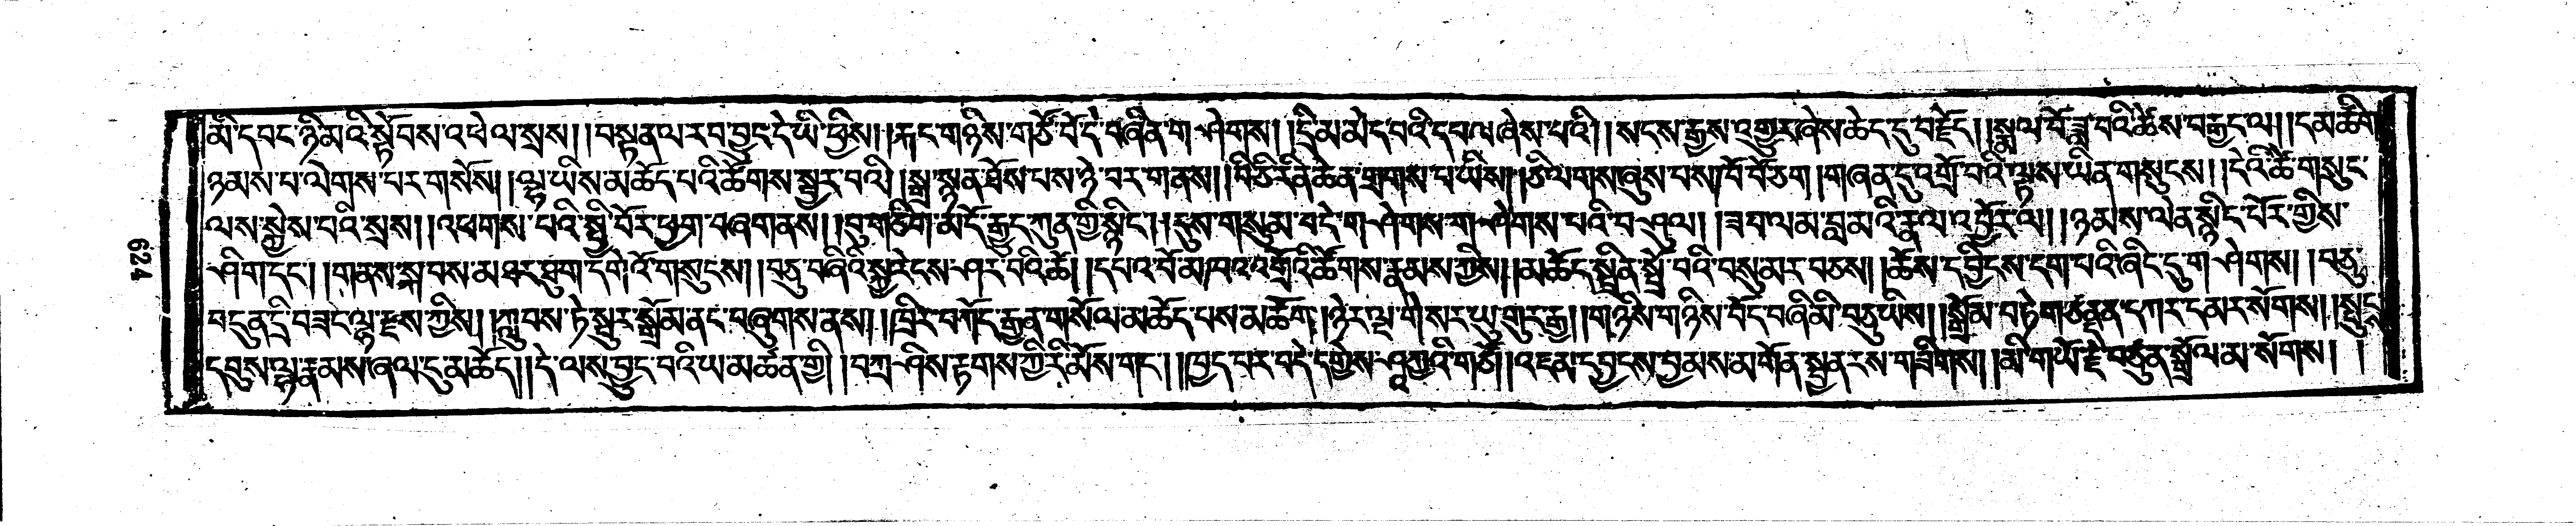མི་དབང་ཉི་མའི་སྟོབས་འཕེལ་སྲས། །བསྟན་ལ་རབ་བྱུང་དེ་ཡི་ཕྱིས། །རྐང་གཉིས་གཙོ་བོ་དེ་བཞིན་གཤེགས། །དྲི་མ་མེད་པའི་དཔལ་ཞེས་པའི། །སངས་རྒྱས་འགྱུར་ཞེས་ཆེད་དུ་བརྗོད། །སྨལ་བོ་ཟླ་བའི་ཚེས་བརྒྱད་ལ། །དམ་ཚིག་
ཉམས་པ་ལེགས་པར་གསོས། །ལྷ་ཡིས་མཆོད་པའི་ཚོགས་སྦྱར་བའི། །སྒྲ་སྙན་ཐོས་པས་ཉེ་བར་གནས། །བི་ཅི་རིན་ཆེན་གྲགས་པ་ཡིས། །ཅི་ལགས་ཞུས་པས་ཁོ་བོ་ཅག །གཞན་དུ་འགྲོ་བའི་ལྟས་ཡིན་གསུངས། །དེའི་ཚེ་གསུང་
ལས་སྐྱེས་པའི་སྲས། །འཕགས་པའི་སྤྱི་བོར་ཕྱག་བཞག་ནས། །བུ་གཅིག་མདོ་རྒྱུད་ཀུན་གྱི་སྙིང་། །དུས་གསུམ་བདེ་གཤེགས་གཤེགས་པའི་བཤུལ། །ཟབ་ལམ་བླ་མའི་རྣལ་འབྱོར་ལ། །ཉམས་ལེན་སྙིང་པོར་གྱིས་
ཤིག་དང་། །གནས་སྐབས་མཐར་ཐུག་དགེའོ་གསུངས། །བཅུ་བཞིའི་སྐྱ་རེངས་ཤར་བའི་ཚེ། །དཔའ་བོ་མཁའ་འགྲོའི་ཚོགས་རྣམས་ཀྱིས། །མཆོད་སྤྲིན་སྤྲོ་བའི་བསུ་མར་བཅས། །ཆོས་དབྱིངས་དག་པའི་ཞིང་དུ་གཤེགས། །བཅུ་
བདུན་དྲི་བཟང་ལྷ་རྫས་ཀྱིས། །ཀླུབས་ཏེ་སྤུར་སྒྲོམ་ནང་བཞུགས་ནས། །ཁྲིར་བཀོད་རྒྱན་གསོལ་མཆོད་པས་མཆོད། །ཉེར་ལྔ་གེ་སར་ཡུ་གུར་རྒྱ། །གཉིས་གཉིས་བོད་བཞི་མི་བཅུ་ཡིས། །སྒྲོམ་བཏེག་ཙནྡན་དཀར་དམར་སོགས། །སྤུངས་
དབུས་ལྷ་རྣམས་ཞེལ་དུ་མཆོད། །དེ་ལས་བྱུང་བའི་ཡ་མཚན་གྱི། །བཀྲ་ཤིས་རྟགས་ཀྱི་རི་མོས་གང་། །ཁྱད་པར་བདེ་དགྱེས་ཤཱཀྱའི་གཙོ། །འཇམ་དབྱངས་བྱམས་མགོན་སྤྱན་རས་གཟིགས། །མི་གཡོ་རྗེ་བཙུན་སྒྲོལ་མ་སོགས། །